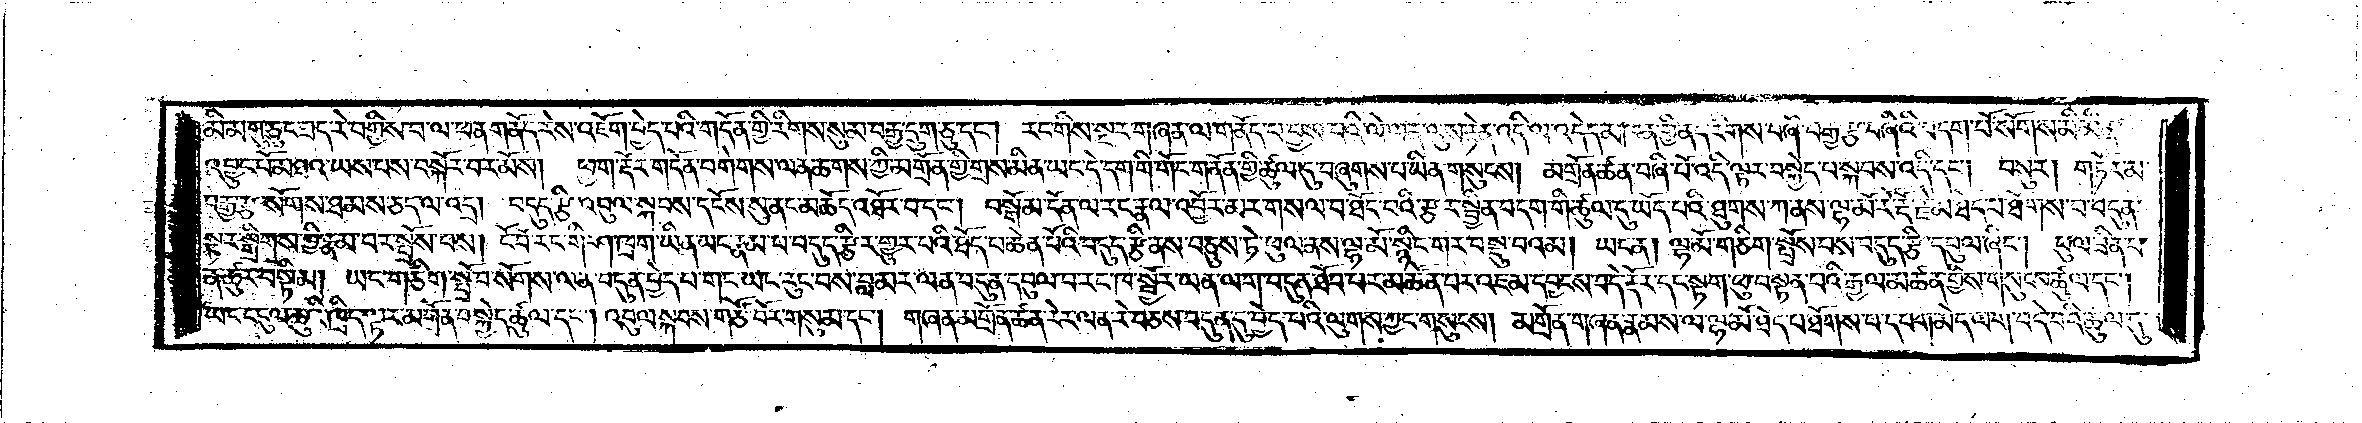མི་མགུ་ཅུང་ཟད་རེ་བགྱིས་པ་ལ་ཕན་གནོད་རེ་ས་འཇོག་བྱེད་པའི་གདོན་གྱི་རིགས་སུམ་བརྒྱ་དྲུག་ཅུ་དང་། རང་གིས་སྔར་གཞན་ལ་གནོད་པ་བྱས་པའི་ལེ་ལན་ལུས་རྟེན་འདི་ལ་འདེད་མཁན་གྱི་ནད་རིགས་བཞི་བརྒྱ་རྩ་བཞིའི་བདག་པོ་སོགས་མི་མིན་
འབྱུང་པོ་མཐའ་ཡས་པས་བསྐོར་བར་མོས། ཕྱག་རྡོར་གདོན་བགེགས་ལན་ཆགས་ཀྱི་མགྲོན་གྱི་གྲས་མིན་ཡང་དེ་དག་གི་གོང་གནོན་གྱི་ཚུལ་དུ་བཞུགས་པ་ཡིན་གསུངས། མགྲོན་ཚན་བཞི་པོ་འདི་ལྟར་བསྐྱེད་པ་སྐབས་འདི་དང་། བསུར། གཏོར་མ་
བརྒྱ་རྩ་སོགས་ཐམས་ཅད་ལ་འདྲ། བདུད་རྩི་འབུལ་སྐབས་དངོས་སུ་ནང་མཆོད་འཐོར་བ་དང་། བསྒོམ་དོན་ལ་རང་རྣལ་འབྱོར་མར་གསལ་བ་ཐོད་བའི་རྩར་སྦྱིན་བདག་གི་ཚུལ་དུ་ཡོད་པའི་ཐུགས་ཀ་ནས་ལྷ་མོ་རེ་རྡོ་རྗེ་མ་ཐོད་པ་ཐོགས་པ་བདུན་
སྟར་སྒྲིགས་ཀྱི་རྣམ་པར་སྤྲོས་པས། ངོ་བོ་རང་གི་ཤ་ཁྲག་ཡིན་ཡང་རྣམ་པ་བདུད་རྩིར་གྱུར་པའི་ཐོད་པ་ཆེན་པོའི་བདུད་རྩི་ནས་བཅུས་ཏེ་ཕུལ་ནས་ལྷ་མོ་སྙིང་གར་བསྡུ་བའམ། ཡང་ན། ལྷ་མོ་གཅིག་སྤྲོས་པས་བདུད་རྩི་དབུལ་ཞིང་། ཕུལ་ཟིན་པ་
ན་ཚུར་བསྟིམ། ཡང་གཅིག་སྤྲོ་བ་སོགས་ལན་བདུན་བྱེད་པ་གང་ཡང་རུང་བས་བླ་མར་ལན་བདུན་དབུལ་བ་རང་ཁ་སྦྱོར་ཡན་ལག་བདུན་ཐོབ་པར་མཚོན་པར་འཇམ་དབྱངས་བདེ་རྡོར་དང་སྟག་ཕུ་བསྟན་པའི་རྒྱལ་མཚན་གྱིས་གསུངས་ཚུལ་དང་།
ཡང་དངུལ་ཆུའི་ཁྲིད་ལྟར་མགྲོན་བསྐྱེད་ཚུལ་དང་། འབུལ་སྐབས་གཙོ་བོར་གསུམ་དང་། གཞན་མགྲོན་ཚན་རེར་ལན་རེ་བཅས་བདུན་དུ་བྱེད་པའི་ལུགས་ཀྱང་གསུངས། མགྲོན་གཞན་རྣམས་ལ་ལྷ་མོ་ཐོད་པ་ཐོགས་བ་དཔག་མེད་ལག་བདེ་བའི་ཚུལ་དུ་